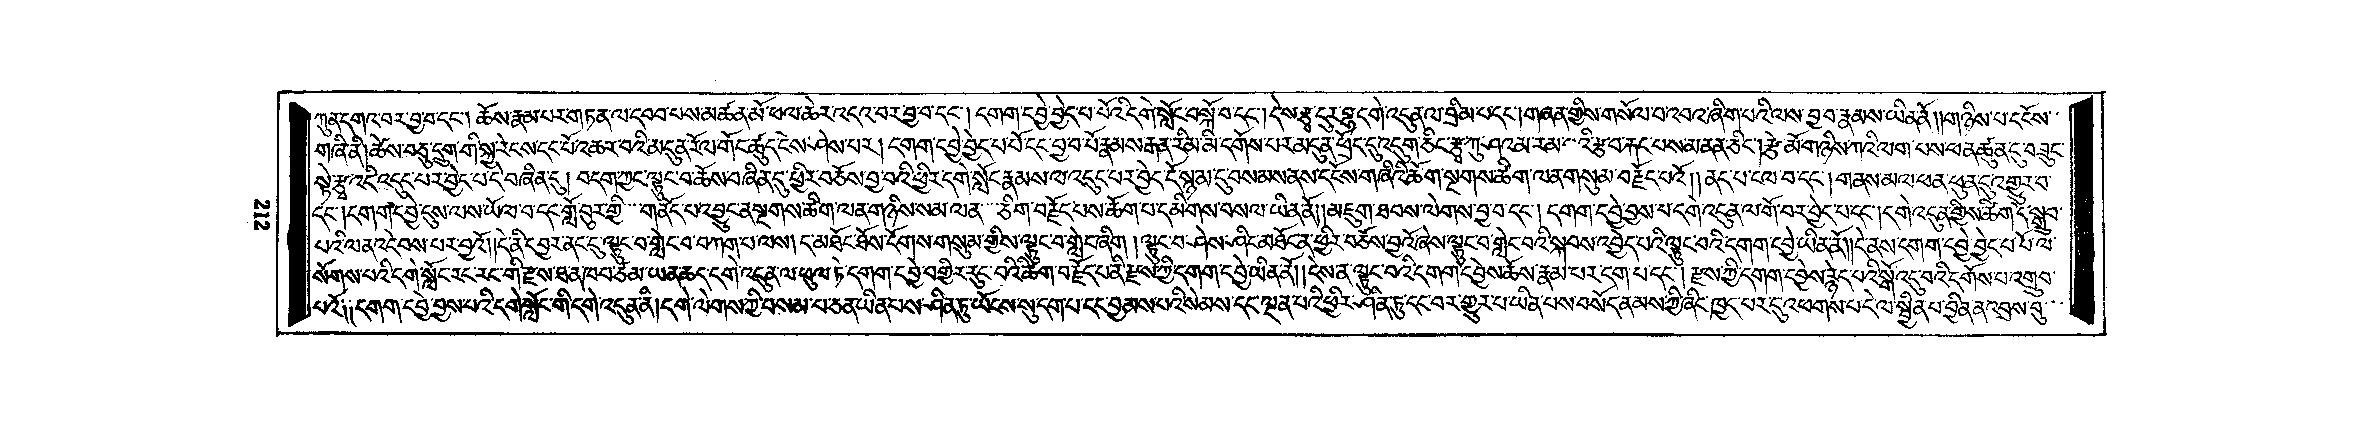ཀུན་དགའ་བར་བྱ་བ་དང་། ཆོས་རྣམ་པར་གཏན་ལ་དབབ་པས་མཚན་མོ་ཕལ་ཆེར་འདའ་བར་བྱ་བ་དང་། དགག་དབྱེ་བྱེད་པ་པོའི་དགེ་སློང་བསྐོ་བ་དང་། དེས་རྩྭ་དུར་བྷ་དགེ་འདུན་ལ་བྲིམ་པ་དང་། གཞན་གྱིས་གསོལ་བ་འབའ་ཞིག་པའི་ལས་བྱ་བ་རྣམས་ཡིན་ནོ། །གཉིས་པ་དངོས་
གཞི་ནི། ཚེས་བཅུ་དྲུག་གི་སྐྱ་རེངས་དང་པོ་འཆར་བའི་མདུན་རོལ་གོང་ཚུད་ངེས་ཤེས་པར། དགག་དབྱེ་བྱེད་པ་པོ་དང་བྱ་བ་པོ་རྣམས་རྒན་རིམ་མི་དགོས་པར་མདུན་ཕྲོད་དུ་འདུག་ཅིང་རྩྭ་ཀུ་ཤའམ་རམ་པའི་རྩ་བ་རྐང་པས་མནན་ཅིང་། རྩེ་མོ་གཉིས་ཀའི་ལག་པས་ཕན་ཚུན་དུ་བཟུང་
སྟེ་རྩྭ་འདི་འདུད་པར་བྱེད་པ་དེ་བཞིན་དུ། བདག་ཀྱང་ལྟུང་བ་ཆོས་བཞིན་དུ་ཕྱིར་བཅོས་བྱ་བའི་ཕྱིར་དགེ་སློང་རྣམས་ལ་འདུད་པར་བྱེད་དོ་སྙམ་དུ་བསམས་ནས་དངོས་གཞིའི་ཆོ་ག་སྔགས་ཚིག་ལན་གསུམ་བརྗོད་པའོ། །ནད་པ་ངལ་བ་དང་། གནས་མལ་ཕན་ཕུན་དུ་འགྱུར་བ་
དང་། དགག་དབྱེ་དུས་ལས་ཡོལ་བ་དང་གློ་བུར་གྱི་གནོད་པ་འབྱུང་ན་སྔགས་ཚིག་ལན་གཉིས་སམ་ལན་ཅིག་བརྗོད་པས་ཆོག་པ་དམིགས་བསལ་ཡིན་ནོ། །མཇུག་ཐབས་ལེགས་བྱ་བ་དང་། དགག་དབྱེ་བྱས་པ་དགེ་འདུན་ལ་གོ་བར་བྱེད་པ་དང་། དགེ་འདུན་གྱིས་ཚིག་དེ་སྒྲུབ་
པའི་ལན་འདེབས་པར་བྱའོ། །དེ་ནི་དབྱར་ནང་དུ་ལྟུང་བ་གླེང་བ་བཀག་པ་ལས། ད་མཐོང་ཐོས་དགོས་གསུམ་གྱིས་ལྟུང་བ་གླེང་ཞིག །ལྟུང་བ་ཤེས་ཤིང་མཐོང་ན་ཕྱིར་བཅོས་བྱའོ་ཞེས་ལྟུང་བ་གླེང་བའི་སྐབས་འབྱེད་པའི་ལྟུང་བའི་དགག་དབྱེ་ཡིན་ནོ། །དེ་ནས་དགག་དབྱེ་བྱེད་པ་པོ་ལ་
སོགས་པའི་དགེ་སློང་རང་རང་གི་རྫས་ཐ་ན་ཁབ་ཙམ་ཡན་ཆད་དགེ་འདུན་ལ་ཕུལ་ཏེ་དགག་དབྱེ་བགྱིར་རུང་བའི་ཚིག་བརྗོད་པ་ནི་རྫས་ཀྱི་དགག་དབྱེ་ཡིན་ནོ། །དེས་ན་ལྟུང་བའི་དགག་དབྱེས་ཆོས་རྣམ་པར་དག་པ་དང་། རྫས་ཀྱི་དགག་དབྱེས་རྙེད་པའི་སྒོ་འདུ་བའི་དགོས་པ་འགྲུབ་
པའོ། །དགག་དབྱེ་བྱས་པའི་དགེ་སློང་གི་དགེ་འདུན་ནི། དགེ་ལེགས་ཀྱི་བསམ་པ་ཅན་ཡིན་པས་ཤིན་ཏུ་ཡོངས་སུ་དག་པ་དང་བྱམས་པའི་སེམས་དང་ལྡན་པའི་ཕྱིར་ཤིན་ཏུ་དང་བར་གྱུར་པ་ཡིན་པས་བསོད་ནམས་ཀྱི་ཞིང་ཁྱད་པར་དུ་འཕགས་པ་དེ་ལ་སྦྱིན་པ་བྱིན་ན་འབྲས་བུ་